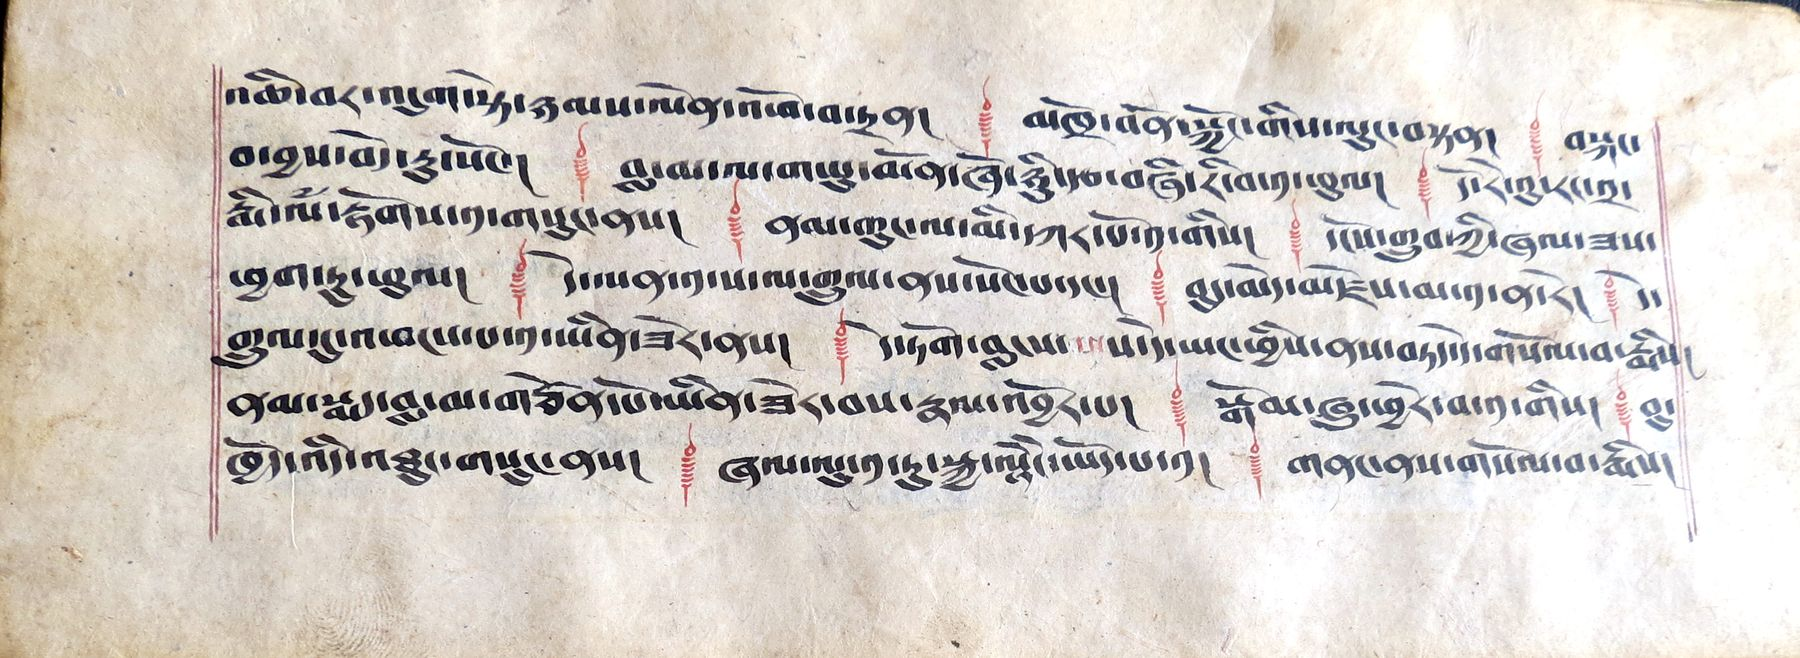འཆི་བར་འདུག་སྟེ་ཉམས་ལེན་འཕོ་བ་དྲན། མཁའ་འགྲོ་བོན་སྐྱོང་གིས་ལུང་བསྟན། བསྐང་
བ་བྱས་པས་བདེ་རུ་སོང་། བླ་མ་ལ་གཡུ་མོན་ཞོ་ཉི་ཤུ་རྩ་བཞི་རི་བ་ཞིག་ཕུལ། དོ་རེད་འུ་རང་གཉིས་
རྨི་ལམ་རྟོགས་ཤིག་གསུངས་ནས། བརྟགས་པས། ནམ་གུང་ལ་མི་དཀར་པོ་ཞིག་གིས། དངོས་གྲུབ་ཀྱི་ཞལ་ཟས་
ཕྱག་ཏུ་ཕུལ། དེ་ལན་གཅིག་ས་ལ་བྲུལ་ནས་སོང་པ་དང་། བུད་མེད་མཛེས་མ་གཅིག་ན་རེ། དེ་
བྲུལ་དུ་ཕངས་པ་ཞིག་ཡིན་ཟེར་ནས། དེ་ཏོག་གིས་བླངས་པ་དེ་ཡང་ཕྱིས་ནས་གཏད་དེ་གསོལ་བ་རྨིས། 
ནམ་སྨད་བླ་མ་བཙན་པོ་ཡིན་ཟེར་བའི་རྣལ་འབྱོར་པ། སྒོམ་ཞུ་ཁྱེར་བ་ཞིག་གིས་བུ་
ཁྱོད་འདི་འཐུང་གསུངས་ནས། ཞལ་བུ་ཞིག་ཏུ་སྐྱ་ལྟེང་ལྟེང་ཡོད་པ་ཞིག་གནང་ནས་གསོལ་བ་རྨིས་